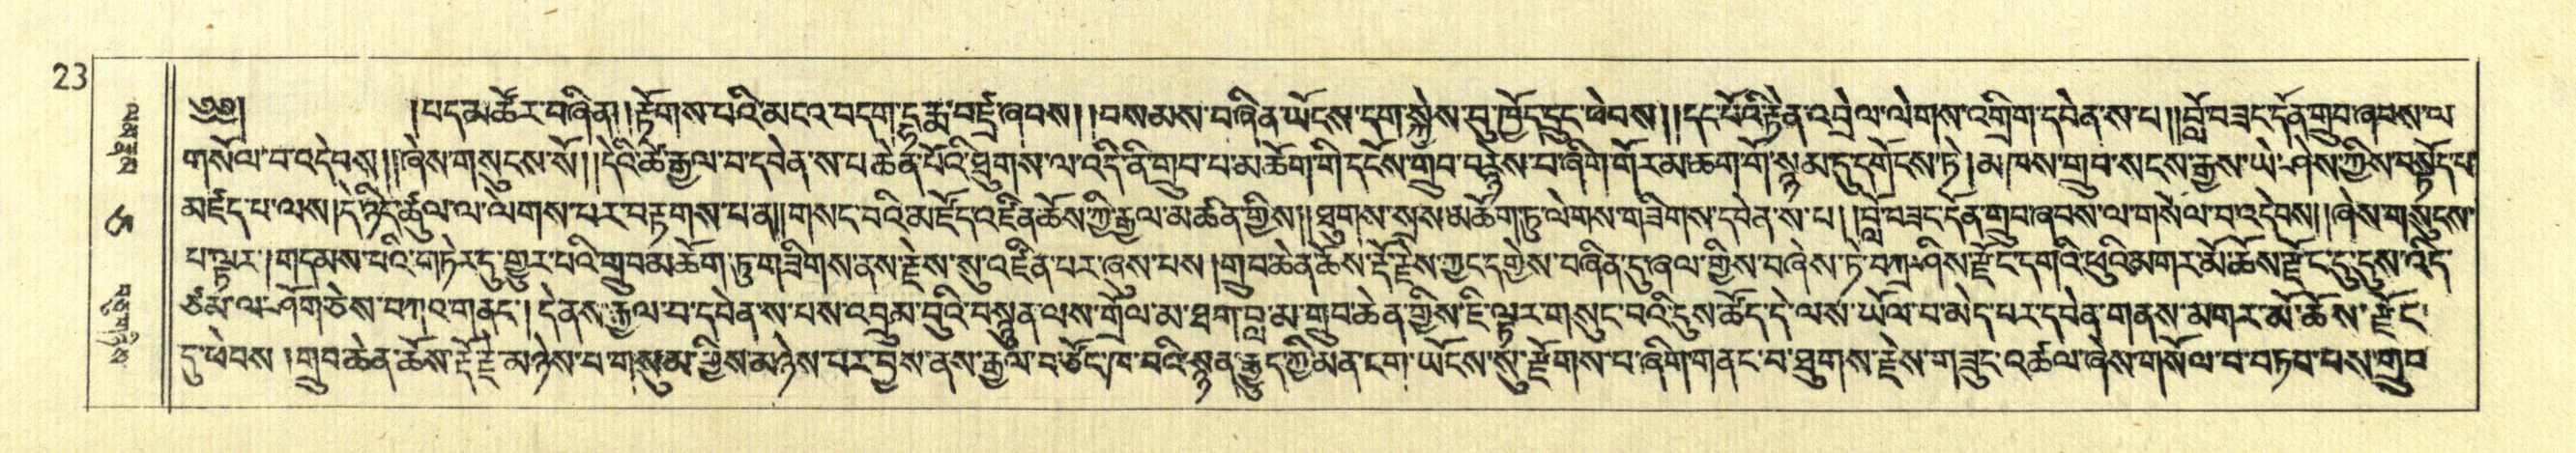༄༅། །པད་མཚོར་བཞིན། །རྟོགས་པའི་མངའ་བདག་དྷརྨ་བཛྲ་ཞབས། །བསམས་བཞིན་ཡོངས་དག་སྐྱེས་བུ་ཁྱོད་དྲུང་ཕེབས། །དང་པོའི་རྟེན་འབྲེལ་ལེགས་འགྲིག་དབེན་ས་པ། །བློ་བཟང་དོན་གྲུབ་ཞབས་ལ་
གསོལ་བ་འདེབས། །ཞེས་གསུངས་སོ། །དེའི་ཚེ་རྒྱལ་བ་དབེན་ས་པ་ཆེན་པོའི་ཐུགས་ལ་འདི་ནི་གྲུབ་པ་མཆོག་གི་དངོས་གྲུབ་བརྙེས་བ་ཞིག་གོར་མ་ཆག་གོ་སྙམ་དུ་དགོངས་ཏེ། མཁས་གྲུབ་སངས་རྒྱས་ཡེ་ཤེས་ཀྱིས་བསྟོད་པ་
མཛད་པ་ལས་།དེ་ཉིད་ཚུལ་ལ་ལེགས་པར་བརྟགས་པ་ན། །གསང་བའི་མཛོད་འཛིན་ཆོས་ཀྱི་རྒྱལ་མཚན་གྱིས། །ཐུགས་སྲས་མཆོག་ཏུ་ལེགས་གཟིགས་དབེན་ས་པ། །བློ་བཟང་དོན་གྲུབ་ཞབས་ལ་གསོལ་བ་འདེབས། །ཞེས་གསུངས་
པ་ལྟར་།གདམས་པའི་གཏེར་དུ་གྱུར་པའི་གྲུབ་མཆོག་ཏུ་གཟིགས་ནས་རྗེས་སུ་འཛིན་པར་ཞུས་པས་།གྲུབ་ཆེན་ཆོས་རྡོ་རྗེས་ཀྱང་དགྱེས་བཞིན་དུ་ཞལ་གྱིས་བཞེས་ཏེ་བཀྲ་ཤིས་རྫོང་དགའི་ཕུའི་མགར་མོ་ཆོས་རྫོང་དུ་དུས་འདི་
ཙམ་ལ་ཤོག་ཅེས་བཀའ་གནང་། དེ་ནས་རྒྱལ་བ་དབེན་ས་པས་འབྲུམ་བུའི་བསྙུན་ལས་གྲོལ་མ་ཐག་བླ་མ་གྲུབ་ཆེན་གྱིས་ཇི་ལྟར་གསུང་བའི་དུས་ཚོད་དེ་ལས་ཡོལ་པ་མེད་པར་དབེན་གནས་མགར་མོ་ཆོས་རྫོང་
དུ་ཕེབས་།གྲུབ་ཆེན་ཆོས་རྡོ་རྗེ་མཉེས་པ་གསུམ་གྱིས་མཉེས་པར་བྱས་ནས་རྒྱལ་བ་ཙོང་ཁ་བའི་སྙན་རྒྱུད་ཀྱི་མན་ངག་ཡོངས་སུ་རྫོགས་པ་ཞིག་གནང་བ་ཐུགས་རྗེས་གཟུང་འཚལ་ཞེས་གསོལ་བ་བཏབ་པས་གྲུབ་